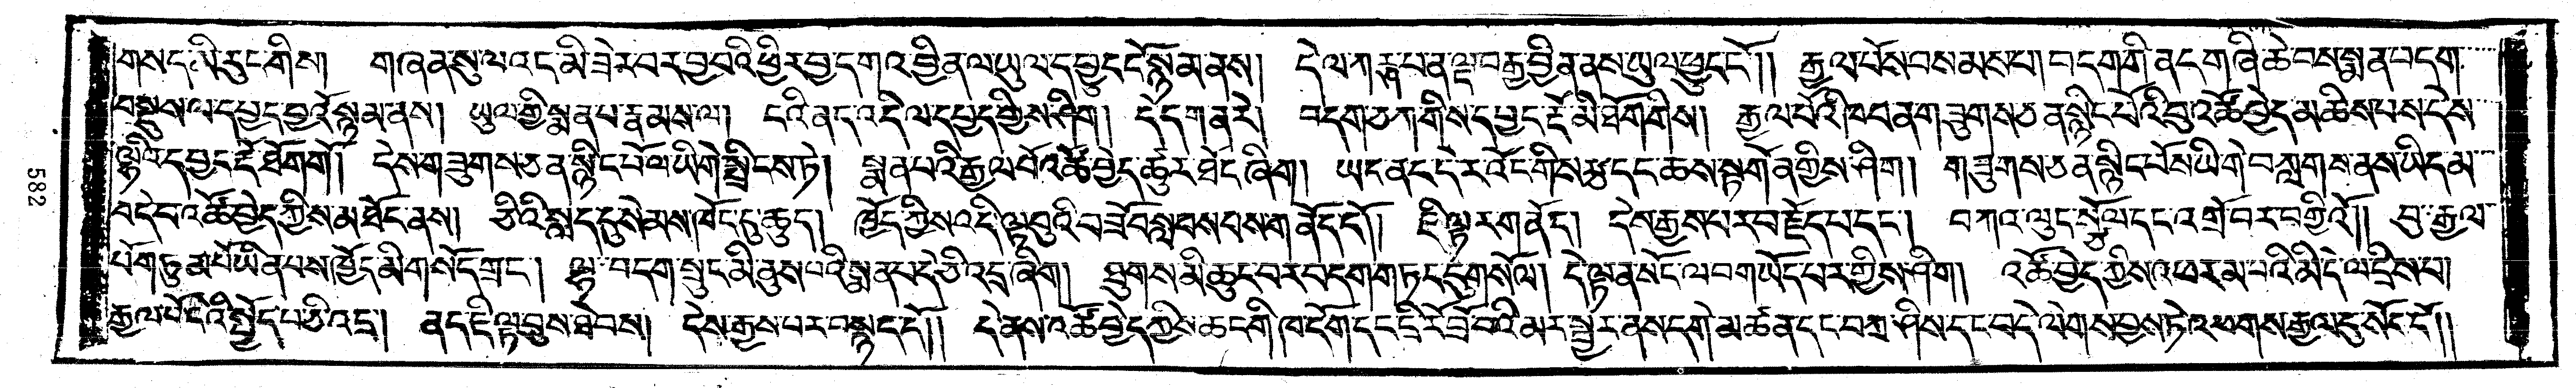གསད་མི་རུང་གིས། གཞན་སུ་ལའང་མི་ཟེར་བར་བྱ་བའི་ཕྱིར་བྱ་དགའ་བྱིན་ལ་ཡུལ་དབྱུང་ངོ་སྙམ་ནས། དེ་ལ་ཀརྴ་པ་ན་ལྔ་བརྒྱ་བྱིན་ནས་ཡུལ་ཕྱུང་ངོ། །རྒྱལ་པོས་བསམས་པ། བདག་གི་ནད་གཞི་ཆེ་བས་སྨན་པ་བདག་
བསྡུས་ལ་དཔྱད་བྱའོ་སྙམ་ནས། ཡུལ་གྱི་སྨན་པ་རྣམས་ལ། ངའི་ནད་འདི་ལ་དཔྱད་གྱིས་ཤིག། དེ་དག་ན་རེ། བདག་ཅག་གིས་དཔྱད་རྡོ་མི་ཐོག་གིས། རྒྱལ་པོའི་ཁབ་ན་གཟུགས་ཅན་སྙིང་པོའི་བུ་འཚོ་བྱེད་མཆིས་པས་དེས་
ལྷའི་དབྱང་རྡོ་ཐོག་གོ། དེས་གཟུགས་ཅན་སྙིང་པོ་ལ་ཡི་གེ་སྤྲིངས་ཏེ། སྨན་པའི་རྒྱལ་པོ་འཚོ་བྱེད་ཚུར་ཐོང་ཞིག། ཡང་ནང་དེར་འོང་གིས་རྩ་དང་ཆས་སྟ་གོན་གྱིས་ཤིག། གཟུགས་ཅན་སྙིང་པོས་ཡི་གེ་བཀླགས་ནས་ཡིད་མ་
བདེ་བ་འཚོ་བྱེད་ཀྱིས་མཐོང་ནས། ཅིའི་སླད་དུ་སེམས་ཁོང་དུ་ཆུད། ཁྱོད་ཀྱིས་འདི་ལྟ་བུའི་བཟོབ་སླབས་བས་གནོད་ངོ།། ཇི་ལྟར་གནོད། དེས་རྒྱས་པར་བརྗོད་པར་དང་། བཀའ་ལུང་སྩོལ་དང་འགྲོ་བར་བགྱིའོ།། བུ་རྒྱལ་
པོག་ཏུ་མ་པོ་ཡིན་པས་ཁྱོད་མི་གསོད་གྲང་། ལྷ་བདག་སྲུང་མི་ནུས་པའི་སྨན་པ་དེ་ཅི་འདྲ་ཞིག། ཐུགས་མི་ཆུང་བར་བདག་གཏང་དུ་གསོལ། དེ་ལྟ་ན་སོང་ལབ་གཡོད་པར་གྱིས་ཤིག། འཚོ་བྱེད་ཀྱིས་འཕར་མ་པའི་མི་དེ་ལ་དྲིས་པ།
རྒྱལ་པོ་དེའི་སྤྱོད་པ་ཅི་འདྲ། ནད་ཇི་ལྟ་བུས་ཐེབས། དེས་རྒྱས་པར་བསྙད་དོ།། དེ་ནས་འཚོ་བྱེད་ཀྱིས་ཆང་གི་ཁ་དོག་དང་དྲི་རོ་བྲོ་བའི་མར་སྦྱར་ནས་དགེ་མཚན་དང་བཀྲ་ཤིས་དང་བདེ་ལེགས་བྱས་ཏེ་འཕགས་རྒྱལ་དུ་སོང་ངོ། །